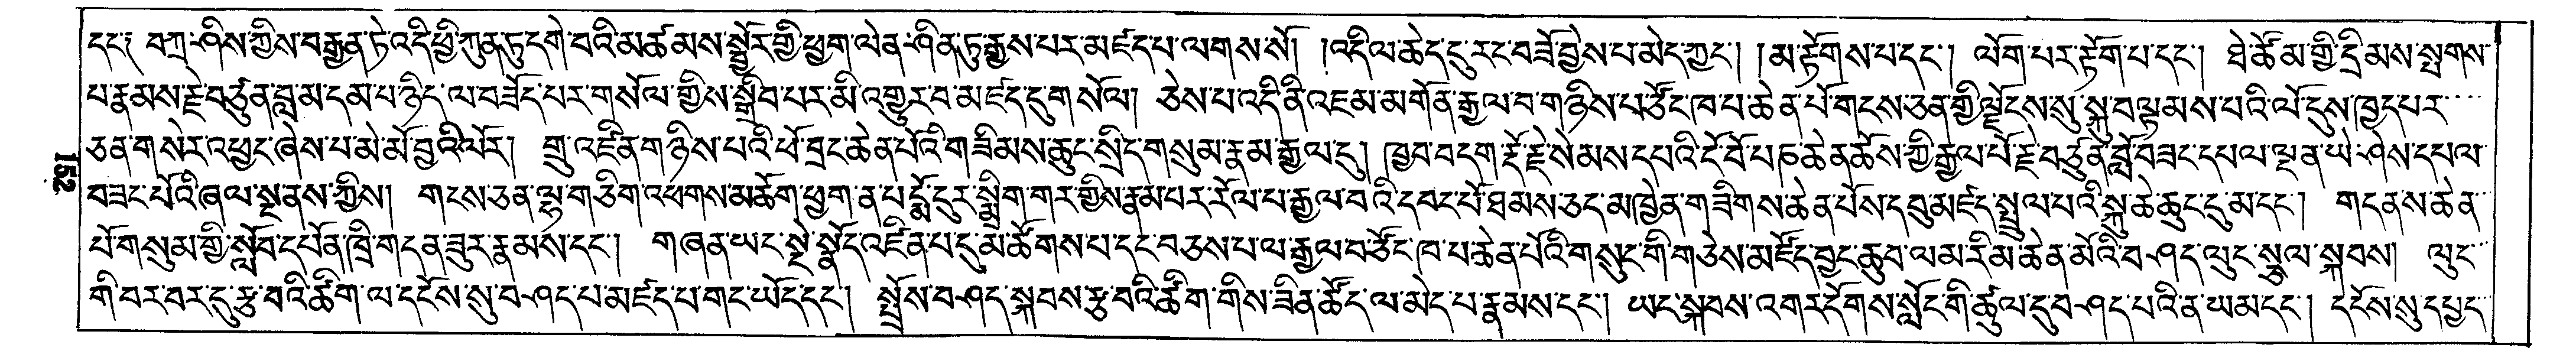དང༑ བཀྲ་ཤིས་ཀྱིས་བརྒྱན་ཏེ་འདི་ཕྱི་ཀུན་ཏུ་དགེ་བའི་མཚམས་སྦྱོར་གྱི་ཕྱག་ལེན་ཤིན་ཏུ་རྒྱས་པར་མཛད་པ་ལགས་སོ། །འདི་ལ་ཆེད་དུ་རང་བཟོ་བྱས་པ་མེད་ཀྱང་། མ་རྟོགས་པ་དང་། ལོག་པར་རྟོག་པ་དང་། ཐེ་ཚོམ་གྱི་དྲི་མས་སྦགས་
པ་རྣམས་རྗེ་བཙུན་བླ་མ་དམ་པ་ཉིད་ལ་བཟོད་པར་གསོལ་གྱིས་སྒྲིབ་པར་མི་འགྱུར་བ་མཇད་དུ་གསོལ། ཅེས་པ་འདི་ནི་འཇམ་མགོན་རྒྱལ་བ་གཉིས་པ་ཙོང་ཁ་པ་ཆེན་པོ་གངས་ཅན་གྱི་ལྗོངས་སུ་སྐུ་བལྟམས་པའི་ལོ་དུས་ཁྱད་པར་
ཅན་གསེར་འཕྱང་ཞེས་བ་མེ་མོ་བྱའི་ལོར། གྲུ་འཛིན་གཉིས་པའི་ཕོ་བྲང་ཆེན་པོའི་གཟིམས་ཆུང་སྲིད་གསུམ་རྣམ་རྒྱལ་དུ། ཁྱབ་བདག་རྡོ་རྗེ་སེམས་དཔའི་ངོ་བོ་པཎ་ཆེན་ཆོས་ཀྱི་རྒྱལ་པོ་རྗེ་བཙུན་བློ་བཟང་དཔལ་ལྡན་ཡེ་ཤེས་དཔལ་
བཟང་པོའི་ཞལ་སྔ་ནས་ཀྱིས། གངས་ཅན་ལྷ་གཅིག་འཕགས་མཆོག་ཕྱག་ན་པདམོ་ངུར་སྨྲིག་གར་གྱིས་རྣམ་པར་རོལ་པ་རྒྱལ་བའི་དབང་པོ་ཐམས་ཅད་མཁྱེན་གཟིགས་ཆེན་པོས་དབུ་མཛད་སྤྲུལ་པའི་སྐུ་ཆེ་ཆུང་ངུ་མ་དང་། གདན་ས་ཆེན་
པོ་གསུམ་གྱི་སློབ་དཔོན་ཁྲི་གདན་ཟུར་རྣམས་དང་། གཞན་ཡང་སྡེ་སྣོད་འཛིན་པ་དུ་མ་ཚོགས་པ་དང་བཅས་པ་ལ་རྒྱལ་བ་ཙོང་ཁ་པ་ཆེན་པོའི་གསུང་གི་གཅེས་མཛོད་བྱང་ཆུབ་ལམ་རིམ་ཆེན་མོའི་བཤད་ལུང་སྩལ་སྐབས། ལུང་
གི་བར་བར་དུ་རྩ་བའི་ཚིག་ལ་དངོས་སུ་བཤད་པ་མཛད་པ་གང་ཡོད་དང་། སྤྲོས་བཤད་སྐབས་རྩ་བའི་ཚིག་གིས་ཟིན་ཚོད་ལ་མེད་པ་རྣམས་དང་། ཡང་སྐབས་འགར་དོགས་སློང་གི་ཚུལ་དུ་བཤད་པའི་ན་ཡམ་དང་། དངོས་སུ་དཔྱད་